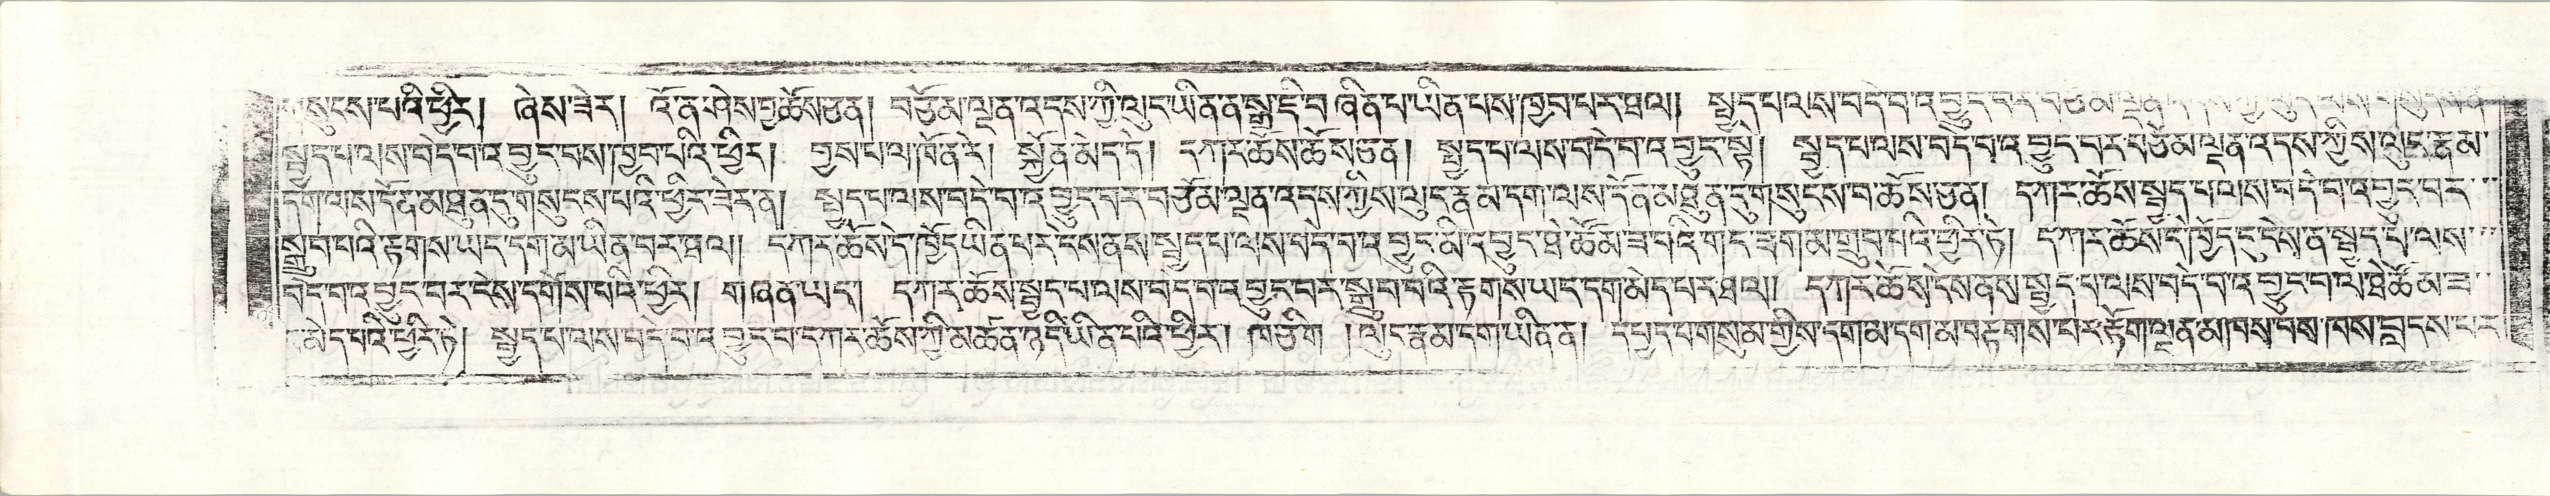གསུངས་པའི་ཕྱིར། ཞེས་ཟེར། འོ་ན་ཤེས་བྱ་ཆོས་ཅན། བཅོམ་ལྡན་འདས་ཀྱི་ལུང་ཡིན་ན་སྒྲ་ཇི་བཞིན་པ་ཡིན་པས་ཁྱབ་པར་ཐལ། སྤྱད་པ་ལས་བདེ་བ་འབྱུང་བར་བཅོམ་ལྡན་འདས་ཀྱི་ལུང་ལས་གསུངས་ན་
སྤྱད་པ་ལས་བདེ་བ་འབྱུང་བས་ཁྱབ་པའི་ཕྱིར། བྱས་པ་ལ་ཁོ་ན་རེ། སྐྱོན་མེད་དེ། དཀར་ཆོས་ཆོས་ཅན། སྤྱད་པ་ལས་བདེ་བ་འབྱུང་སྟེ། སྤྱད་པ་ལས་བདེ་བ་འབྱུང་བར་བཅོམ་ལྡན་འདས་ཀྱིས་ལུང་རྣམ་
དག་ལས་དོན་མཐུན་དུ་གསུངས་པའི་ཕྱིར་ཟེར་ན། སྤྱད་པ་ལས་བདེ་བ་འབྱུང་བར་བཅོམ་ལྡན་འདས་ཀྱིས་ལུང་རྣམ་དག་ལས་དོན་མཐུན་དུ་གསུངས་པ་ཆོས་ཅན། དཀར་ཆོས་སྤྱད་པ་ལས་བདེ་བ་འབྱུང་བར་
སྒྲུབ་པའི་རྟགས་ཡང་དག་མ་ཡིན་པར་ཐལ། དཀར་ཆོས་དེ་ཁྱོད་ཡིན་པར་ངེས་ནས་སྤྱད་པ་ལས་བདེ་བ་འབྱུང་མི་འབྱུང་ཐེ་ཚོམ་ཟ་བའི་གང་ཟག་མ་གྲུབ་པའི་ཕྱིར་ཏེ། དཀར་ཆོས་དེ་ཁྱོད་དུ་ངེས་ན་སྤྱད་པ་ལས་
བདེ་བ་འབྱུང་བར་ངེས་དགོས་པའི་ཕྱིར། གཞན་ཡང་། དཀར་ཆོས་སྤྱད་པ་ལས་བདེ་བ་འབྱུང་བར་སྒྲུབ་པའི་རྟགས་ཡང་དག་མེད་པར་ཐལ། དཀར་ཆོས་ངེས་ནས་སྤྱད་པ་ལས་བདེ་བ་འབྱུང་བ་ལ་ཐེ་ཚོམ་ཟ་
བ་མེད་པའི་ཕྱིར་ཏེ། སྤྱད་པ་ལས་བདེ་བ་འབྱུང་བ་དཀར་ཆོས་ཀྱི་མཚན་ཉིད་ཡིན་པའི་ཕྱིར། ཁ་ཅིག །ལུང་རྣམ་དག་ཡིན་ན། དཔྱད་པ་གསུམ་གྱིས་དག་མ་དག་མ་བརྟགས་པར་རྟོག་ལྡན་མཁས་པས་ཁས་བླངས་པར་